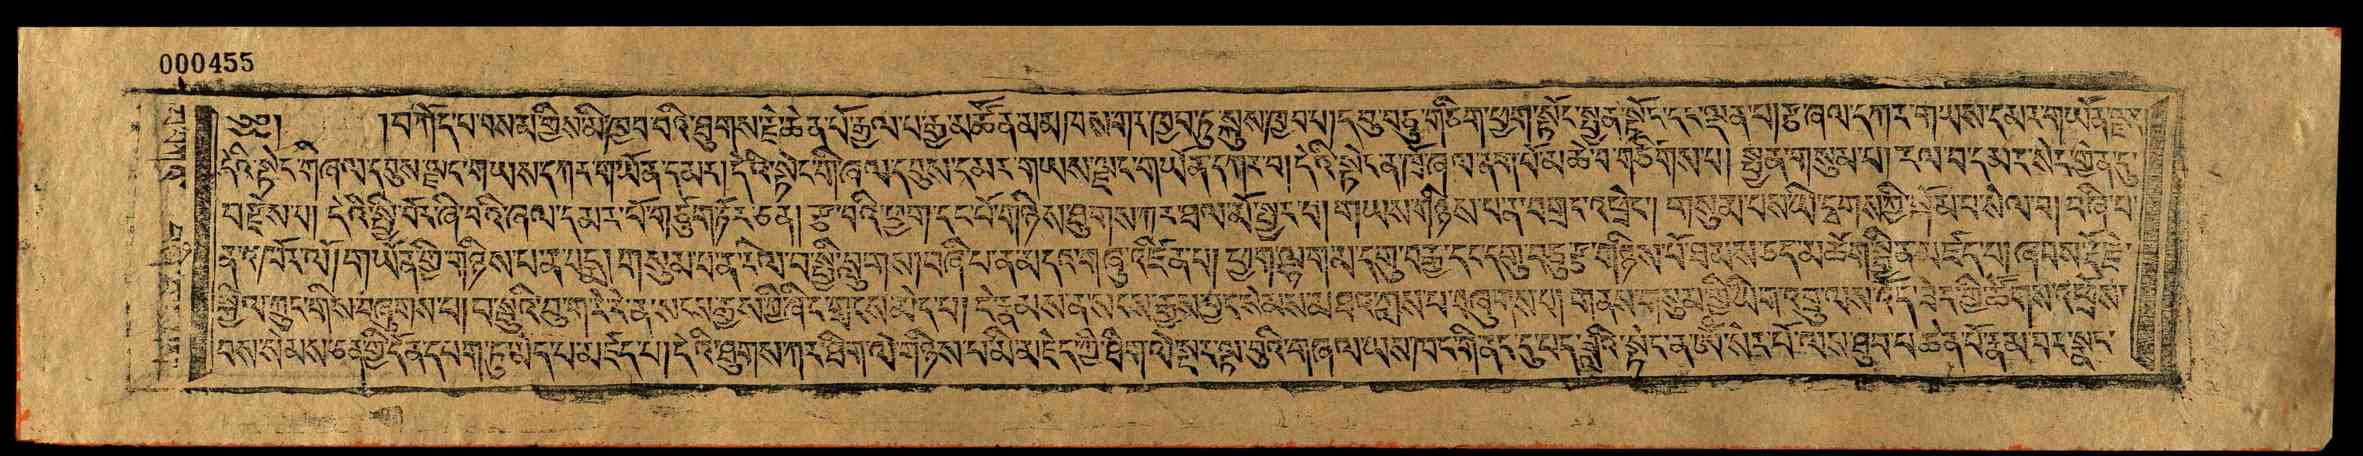༄༅། །བཀོད་པ་བསམ་གྱིས་མི་ཁྱབ་པའི་ཐུགས་རྗེ་ཆེན་པོ་རྒྱལ་བ་རྒྱ་མཚོ་ནམ་མཁས་གར་ཁྱབ་ཏུ་སྐུས་ཁྱབ་པ། དབུ་བཅུ་གཅིག་ཕྱག་སྟོང་སྤྱན་སྟོང་དང་ལྡན་པ། རྩ་ཞལ་དཀར་གཡས་དམར་གཡོན་ལྗང་
དེའི་སྟེང་གི་ཞལ་དབུས་ལྗང་གཡས་དཀར་གཡོན་དམར། དེའི་སྟེང་གི་ཞལ་དབུས་དམར་གཡས་ལྗང་གཡོན་དཀར་བ། དེའི་སྟེང་ན་ཁྲོ་ཞལ་ནག་པོ་མཆེ་བ་གཙིགས་པ། སྤྱན་གསུམ་པ། རལ་བ་དམར་སེར་གྱིན་དུ་
བརྫེས་པ། དེའི་སྤྱི་བོར་ཞི་བའི་ཞལ་དམར་པོ་གཙུག་ཏོར་ཅན། རྩ་བའི་ཕྱག་དང་པོ་གཉིས་ཐུགས་ཀར་ཐལ་མོ་སྤྱར་བ། གཡས་གཉིས་པ་ན་བགྲང་འཕྲེང་། གསུམ་པས་ཡི་དྭགས་ཀྱི་སྐོམ་པ་སེལ་བ། བཞི་པ་
ན་འཁོར་ལོ། གཡོན་གྱི་གཉིས་པ་ན་པདམ། གསུམ་པ་ན་རིལ་བ་སྤྱི་བླུགས། བཞི་པ་ན་མདའ་གཞུ་འཛིན་པ། ཕྱག་ལྷག་མ་དགུ་བརྒྱ་དང་དགུ་བཅུ་རྩ་གཉིས་པོ་ཐམས་ཅད་མཆོག་སྤྱིན་མཛད་པ། ཞབས་རྡོ་རྗེ་
སྐྱའི་?་ཀྲུང་གིས་བཞུགས་པ། བ་སྤུའི་བུ་ག་རེ་རེ་ན་སངས་རྒྱས་ཀྱི་ཞིང་གྲངས་མེད་པ། དེ་རྣམས་ན་སངས་རྒྱས་བྱང་སེམས་མཐའ་ཀླས་པ་བཞུགས་པ། གནས་གསུམ་གྱི་ཡིག་འབྲུ་ལས་འོད་ཟེར་གྱི་ཚོགས་འཕྲོས་
པས་སེམས་ཅན་གྱི་དོན་དཔག་ཏུ་མེད་པ་མཛད་པ། དེའི་ཐུགས་ཀར་ཐིག་ལོ་གཉིས་པ་མི་མཇེད་ཀྱི་ཐིག་ལེ་སྔར་ལྟ་བུའི་གཞལ་ཡས་ཁང་གི་ནང་དུ་པད་ཟླའི་སྟེང་ན་ཨོཾ་སེར་པོ་ལས་ཐུབ་པ་ཆེན་པོ་རྣམ་པར་སྣང་